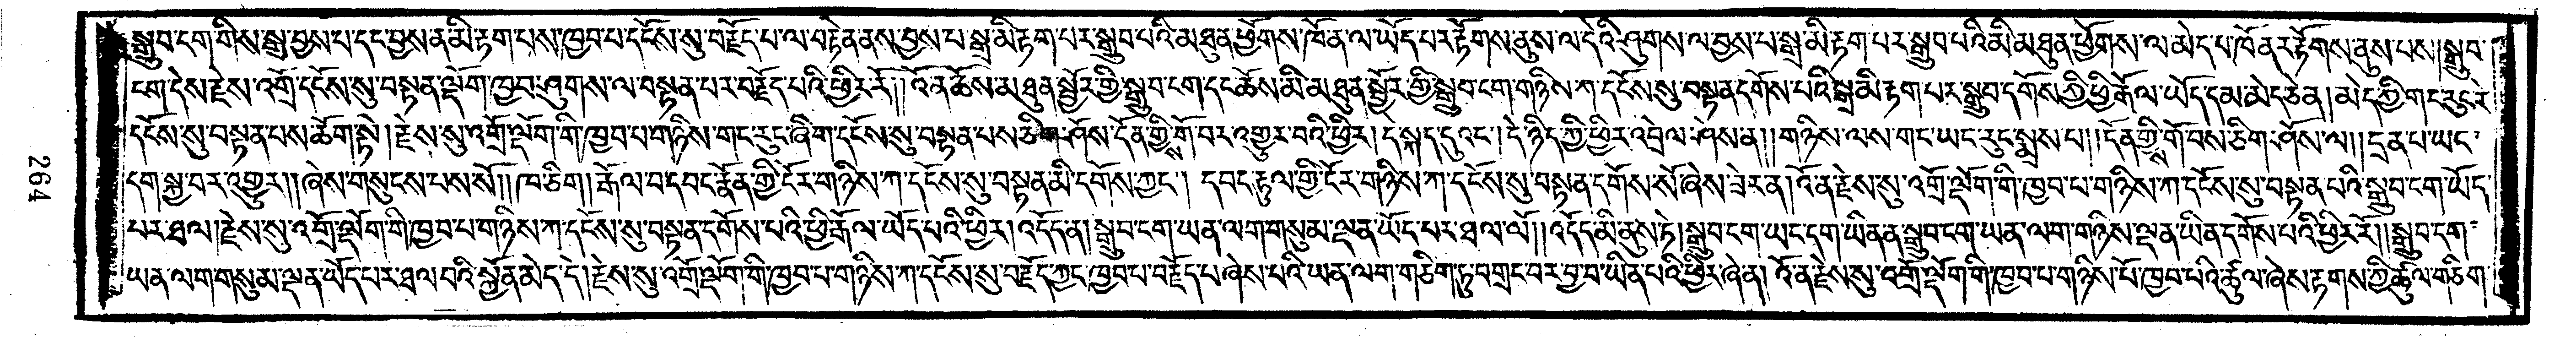སྒྲུབ་ངག་གིས་སྒྲ་བྱས་པ་དང་བྱས་ན་མི་རྟག་པས་ཁྱབ་པ་དངོས་སུ་བརྗོད་པ་ལ་བརྟེན་ནས་བྱས་པ་སྒྲ་མི་རྟག་པར་སྒྲུབ་པའི་མཐུན་ཕྱོགས་ཁོ་ན་ལ་ཡོད་པར་རྟོགས་ནུས་ལ་དེའི་ཤུགས་ལ་བྱས་པ་སྒྲ་མི་རྟག་པར་སྒྲུབ་པའི་མི་མཐུན་ཕྱོགས་ལ་མེད་པ་ཁོ་ནར་རྟོགས་ནུས་པས། སྒྲུབ་
ངག་དེས་རྗེས་འགྲོ་དངོས་སུ་བསྟན་ལྡོག་ཁྱབ་ཤུགས་ལ་བསྟན་པར་བརྗོད་པའི་ཕྱིར་རོ། །འོ་ན་ཆོས་མཐུན་སྦྱོར་གྱི་སྒྲུབ་ངག་དང་ཆོས་མི་མཐུན་སྦྱོར་གྱི་སྒྲུབ་ངག་གཉིས་ཀ་དངོས་སུ་བསྟན་དགོས་པའི་སྒྲ་མི་རྟག་པར་སྒྲུབ་དགོས་ཀྱི་ཕྱི་རྒོལ་ཡོད་དམ་མེད་ཅེ་ན། མེད་ཀྱི་གང་རུང་རེ་
དངོས་སུ་བསྟན་པས་ཆོག་སྟེ། རྗེས་སུ་འགྲོ་ལྡོག་གི་ཁྱབ་པ་གཉིས་གང་རུང་ཞིག་དངོས་སུ་བསྟན་པས་ཅིག་ཤོས་དོན་གྱིས་གོ་བར་འགྱུར་བའི་ཕྱིར། དེ་སྐད་དུའང་། དེ་ཉིད་ཀྱི་ཕྱིར་འབྲེལ་ཤེས་ན། །གཉིས་ལས་གང་ཡང་རུང་སྨྲས་པ། །དོན་གྱིས་གེ་བས་ཅིག་ཤོས་ལ། །དྲན་པ་ཡང་
དག་སྐྱེ་བར་འགྱུར། །ཞེས་གསུངས་པས་སོ། །ཁ་ཅིག། རྒོལ་བ་དབང་རྣོན་གྱི་ངོར་གཉིས་ཀ་དངོས་སུ་བསྟན་མི་དགོས་ཀྱང་། དབང་རྟུལ་གྱི་ངོར་གཉིས་ཀ་དངོས་སུ་བསྟན་དགོས་སོ་ཞེས་ཟེར་ན། འོ་ན་རྗེས་སུ་འགྲོ་ལྡོག་གི་ཁྱབ་པ་གཉིས་ཀ་དངོས་སུ་བསྟན་པའི་སྒྲུབ་ངག་ཡོད་
པར་ཐལ། རྗེས་སུ་འགྲོ་ལྡོག་གི་ཁྱབ་པ་གཉིས་ཀ་དངོས་སུ་བསྟན་དགོས་པའི་ཕྱི་རྒོལ་ཡོད་པའི་ཕྱིར། འདོད་ན། སྒྲུབ་ངག་ཡན་ལག་གསུམ་ལྡན་ཡོད་པར་ཐལ་ལོ། །འདོད་མི་ནུས་ཏེ། སྒྲུབ་ངག་ཡང་དག་ཡིན་ན་སྒྲུབ་ངག་ཡན་ལག་གཉིས་ལྡན་ཡིན་དགོས་པའི་ཕྱིར་རོ། །སྒྲུབ་ངག་
ཡན་ལག་གསུམ་ལྡན་ཡོད་པར་ཐལ་བའི་སྐྱོན་མེད་དེ། རྗེས་སུ་འགྲོ་ལྡོག་གི་ཁྱབ་པ་གཉིས་ཀ་དངོས་སུ་བརྗོད་ཀྱང་ཁྱབ་པ་བརྗོད་པ་ཞེས་པའི་ཡན་ལག་གཅིག་ཏུ་བགྲང་བར་བྱ་བ་ཡིན་པའི་ཕྱིར་ཞེ་ན། འོ་ན་རྗེས་སུ་འགྲོ་ལྡོག་གི་ཁྱབ་པ་གཉིས་པོ་ཁྱབ་པའི་ཚུལ་ཞེས་རྟགས་ཀྱི་ཚུལ་གཅིག་